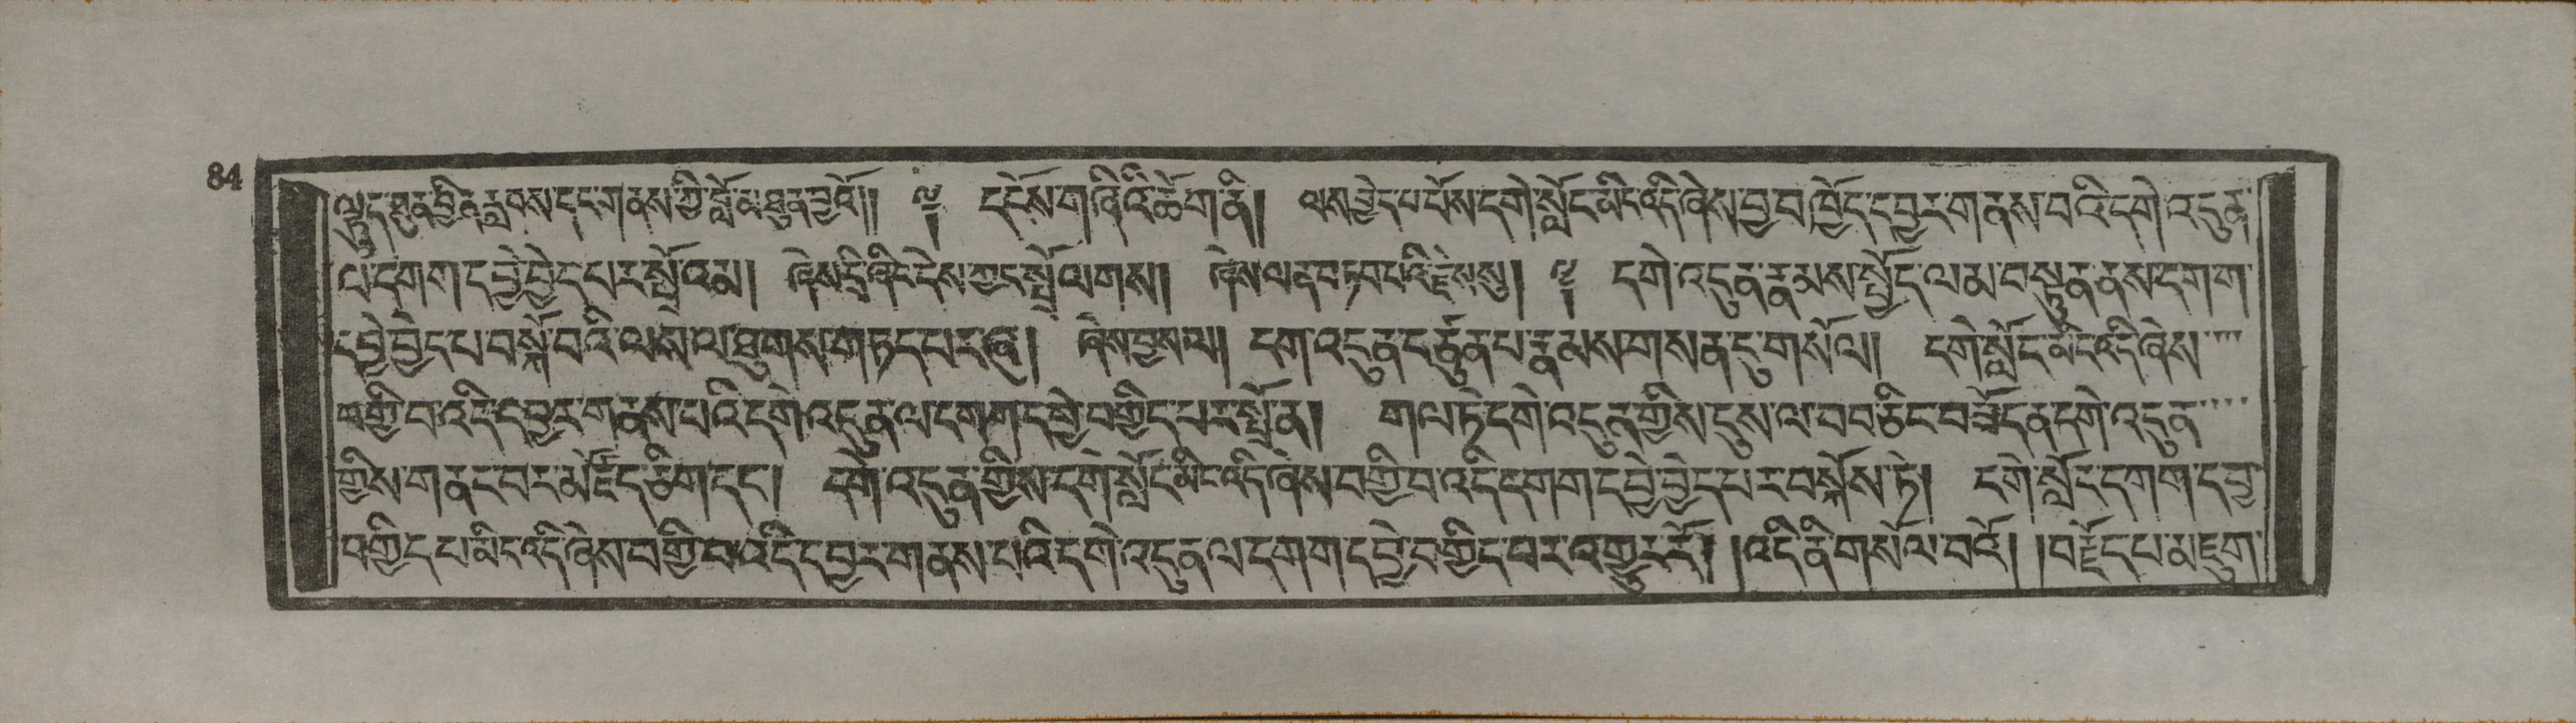ལྟུད་ཐུན་བྱིན་རླབས་དང་གནས་ཀྱི་བློ་མཐུན་བྱའོ།། ༈ དངོས་གཞིའི་ཆོག་ནི། ལས་བྱེད་པ་པོས་དགེ་སློང་མིང་འདི་ཞེས་བྱ་བ་ཁྱོད་དབྱར་གནས་པའི་དགེ་འདུན་
ལ་དགག་དབྱེ་བྱེད་པར་སྤྲོ་འམ། ཞེས་དྲི་ཞིང་དེས་ཀྱང་སྤྲོ་ལགས། ཞེས་ལན་བཏབ་པའི་རྗེས་སུ།  ༈ དགེ་འདུན་རྣམས་སྤྱོད་ལམ་བསྟུན་ནས་དགག་
དབྱེ་བྱེད་པ་བསྐོ་བའི་ལས་ལ་ཐུགས་གཏད་པར་ཞུ། ཞེས་བྱས་ལ།  དག་འདུན་བཙུན་པ་རྣམས་གསན་དུ་གསོལ། དགེ་སློང་མིང་འདི་ཞེས་
བགྱི་བ་འདི་དབྱར་གནས་པའི་དགེ་འདུན་ལ་དགག་དབྱེ་བགྱིང་པར་སྤྲོ་ན། གལ་ཏེ་དགེ་འདུན་གྱིས་དུས་ལ་བབ་ཅིང་བཟོད་ན་དགེ་འདུན་
གྱིས་གནང་བར་མཛོད་ཅིག་དང་། དགེ་འདུན་གྱིས་དགེ་སློང་མིང་འདི་ཞེས་བགྱི་བ་འདི་དགག་དབྱེ་བྱེད་པར་བསྐོས་ཏེ། དགེ་སློང་དགག་དབྱ་
བགྱིད་པ་མིང་འདི་ཞེས་བགྱི་པ་འདི་དབྱར་གནས་པའི་དགེ་འདུན་ལ་དགག་དབྱེ་བ་གྱིད་པར་འགྱུར་རོ། །འདི་ནི་གསོལ་བའོ། །བརྗོད་པ་མཇུག་